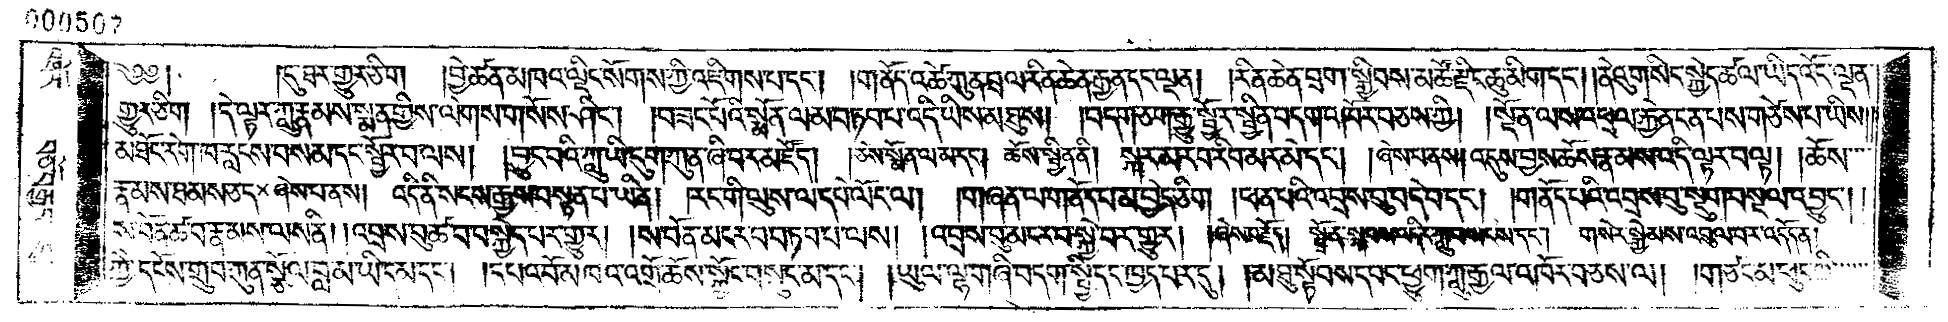༄༅། །དུ་ཐར་གྱུར་ཅིག །བྱེ་ཚན་མཁའ་ལྡིང་སོགས་ཀྱི་འཇིགས་པ་དང་། །གནོད་འཚེ་ཀུན་བྲལ་རིན་ཆེན་རྒྱན་དང་ལྡན། །རིན་ཆེན་བྲག་སྐྱིབས་མཚོ་རྫིང་ཆུ་མིག་དང་། །ནེའུ་གསིང་སྐྱེད་ཚལ་ཡིད་འོང་ལྡན་
གྱུར་ཅིག །དེ་ལྟར་ཀླུ་རྣམས་སྨན་གྱིས་ལེགས་གསོས་ཤིང་། །བཟང་པོའི་སྨོན་ལམ་བཏབ་པ་འདི་ཡིས་མཐུས། །བདག་ཅག་རྒྱུ་སྦྱོར་སྦྱིན་བདག་འཁོར་བཅས་ཀྱི། །སྔོན་ལས་འཕྲལ་རྐྱེན་ངན་པས་གཙེས་པ་ཡིས།།
མཐོང་རེག་ཁ་རླངས་བསམ་དང་སྦྱོར་བ་ལས། །བྱུང་བའི་ཀླུ་ཡི་དུག་ཀུན་ཞི་བར་མཛོད། །ཅེས་སྨོན་ལམ་དང་། ཆོས་སྦྱིན་ནི།  སྐར་མར་བ་རིབ་མར་མེ་དང་། ། ཞེས་པ་ནས།  འདུས་བྱས་ཆོས་རྣམས་འདི་ལྟར་བལྟ། །ཆོས་
རྣམས་ཐམས་ཅད྾་ཞེས་པ་ནས།  འདི་ནི་སངས་རྒྱས་བསྟན་པ་ཡིན། །རང་གི་ལུས་ལ་དཔེ་ལོང་ལ། །གཞན་ལ་གནོད་པ་མ་བྱེད་ཅིག །ཕན་པའི་འབྲས་བུ་བདེ་བ་དང་། །གནོད་པའི་འབྲས་བུ་སྡུག་བསྔལ་འབྱུང་། །
ས་བོན་ཚ་བ་རྣམས་ལས་ནི། །འབྲས་བུ་ཚ་བ་བསྐྱེད་པར་གྱུར། །ས་བོན་མངར་བ་བཏབ་པ་ལས། །འབྲས་བུ་མངར་བ་སྐྱེ་བར་གྱུར། །ཞེས་བརྗོད། སྤྲོན་སྐབས་འདིར་ཀླུ་བསངས་དང་། གསེར་སྐྱེམས་འབུལ་བར་འདོད་ན།
ཀྱཻ་དངོས་གྲུབ་ཀུན་སྩོལ་བླ་མ་ཡི་དམ་དང་། །དཔའ་བོ་མཁའ་འགྲོ་ཆོས་སྐྱོང་བསྲུང་མ་དང་། །ཡུལ་ལྷ་གཞི་བདག་སྤྱི་དང་ཁྱད་པར་དུ། །མཐུ་སྟོབས་དབང་ཕྱུག་ཀླུ་རྒྱལ་འཁོར་བཅས་ལ། །གཙང་མ་ཕུད་ཀྱི་